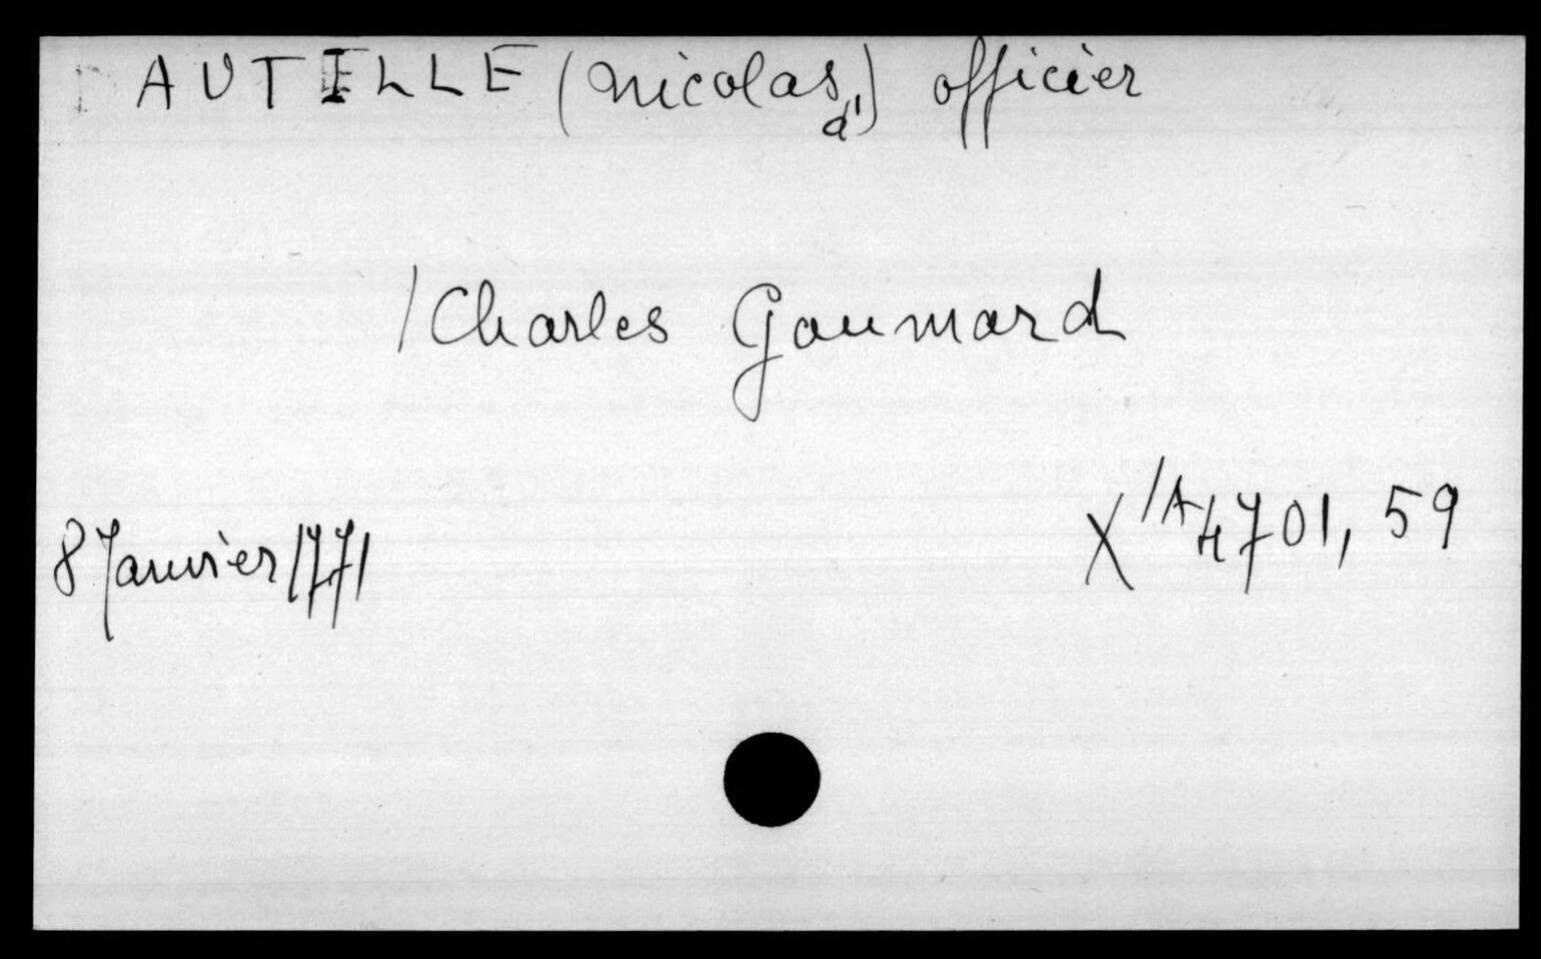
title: AUTILLE (Nicolas d') officier
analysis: Contre Charles Gaumard
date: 8 janvier 1771
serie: X1A
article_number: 4701
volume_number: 59
